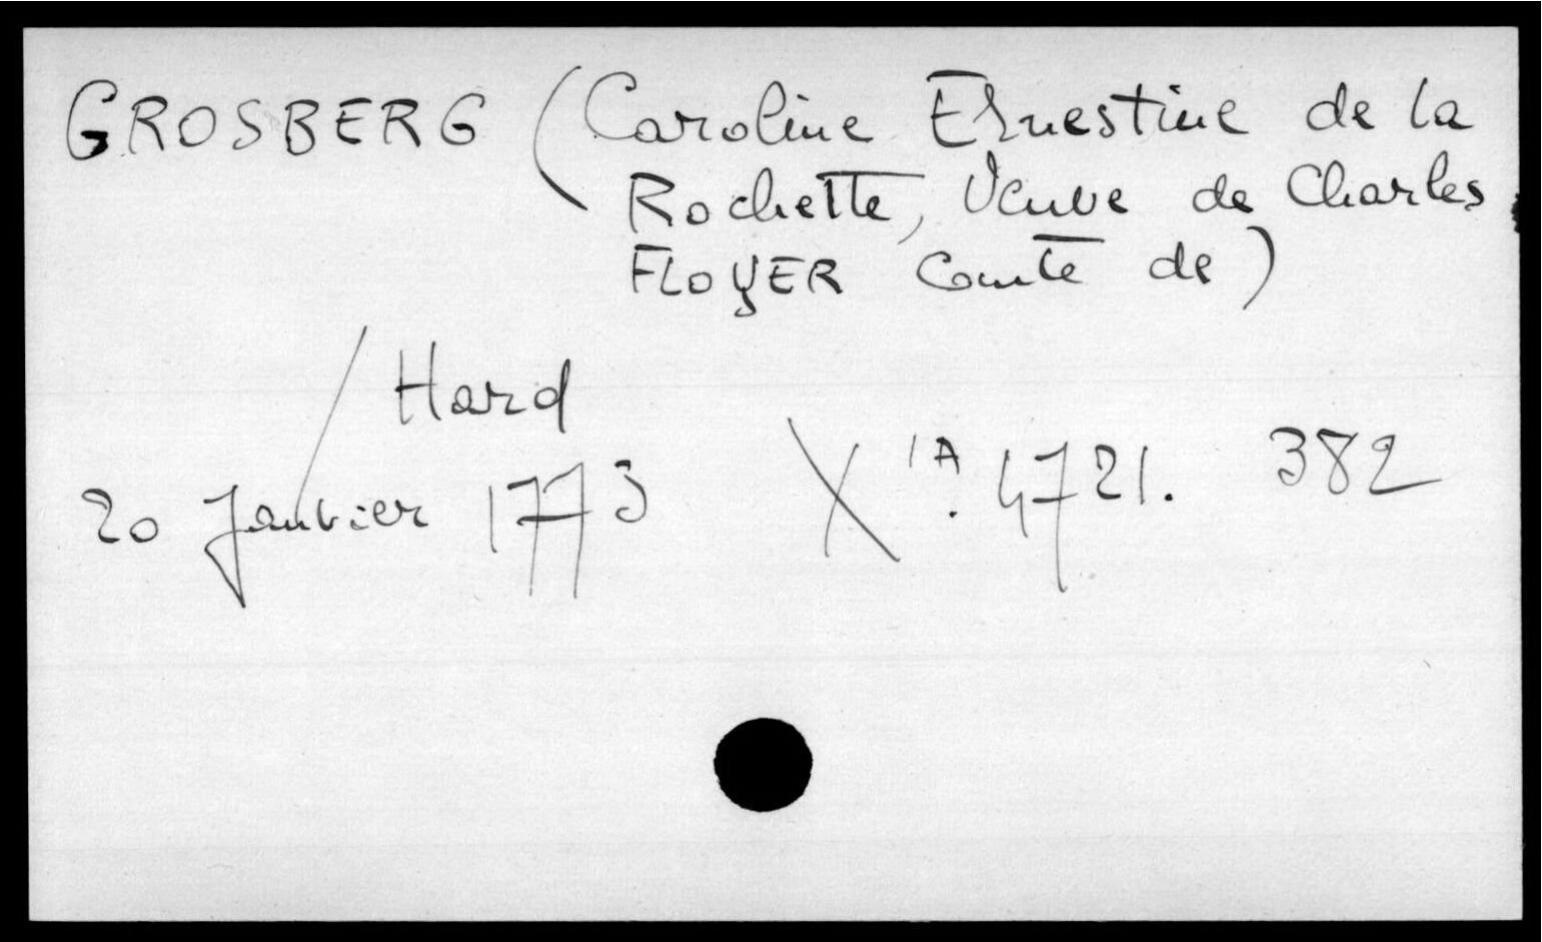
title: GROSBERG (Caroline Ernestine de la Rochette, veuve de Charles Floyer, comte de)
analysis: Contre Hard
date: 20 janvier 1773
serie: X1A
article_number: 4721
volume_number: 382
